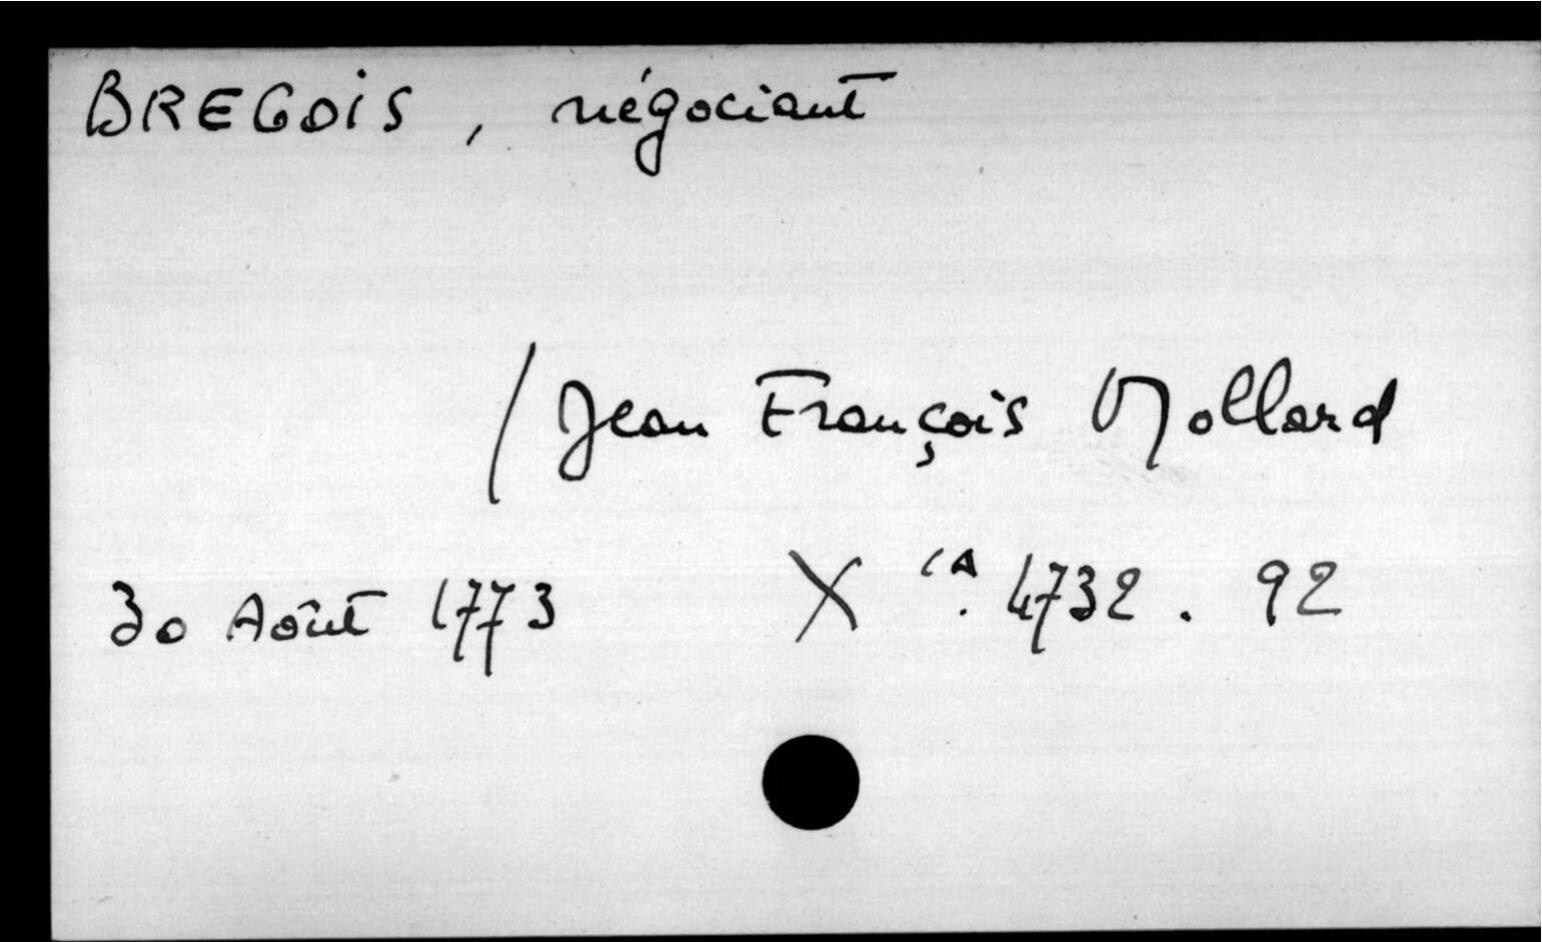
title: BREGOIS, négociant
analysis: Contre Jean François Mollard
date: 30 août 1773
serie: X1A
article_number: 4732
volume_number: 92
